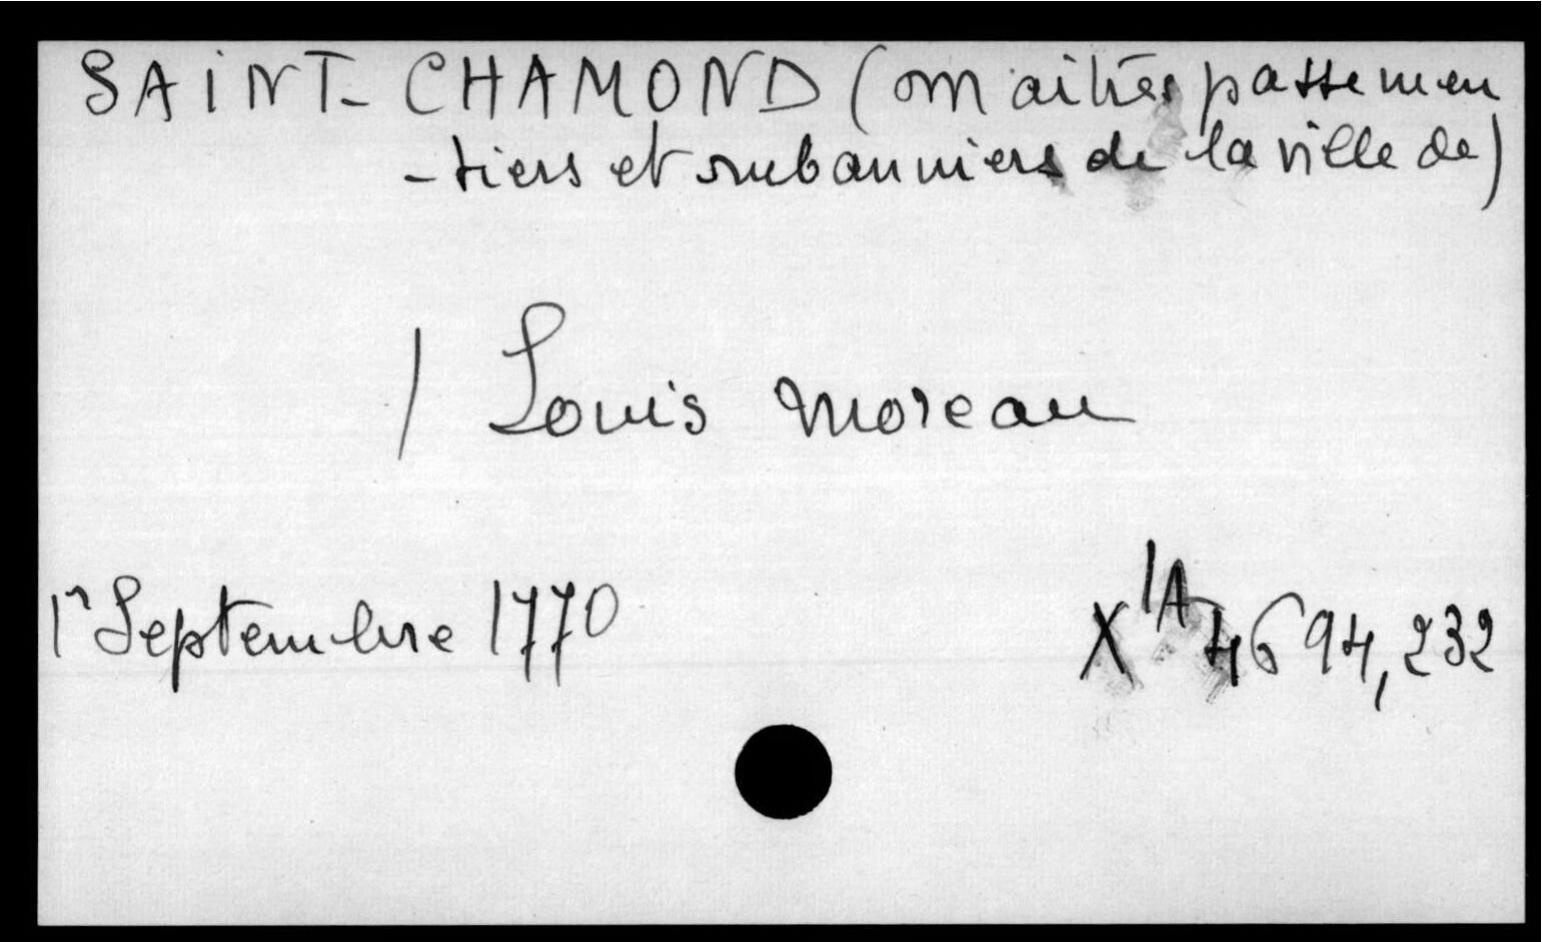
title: SAINT-CHAMOND (Maitres passementiers et rubanniers de la ville de)
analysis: Contre Louis Moreau
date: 1 septembre 1770
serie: X1A
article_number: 4694
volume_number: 232
